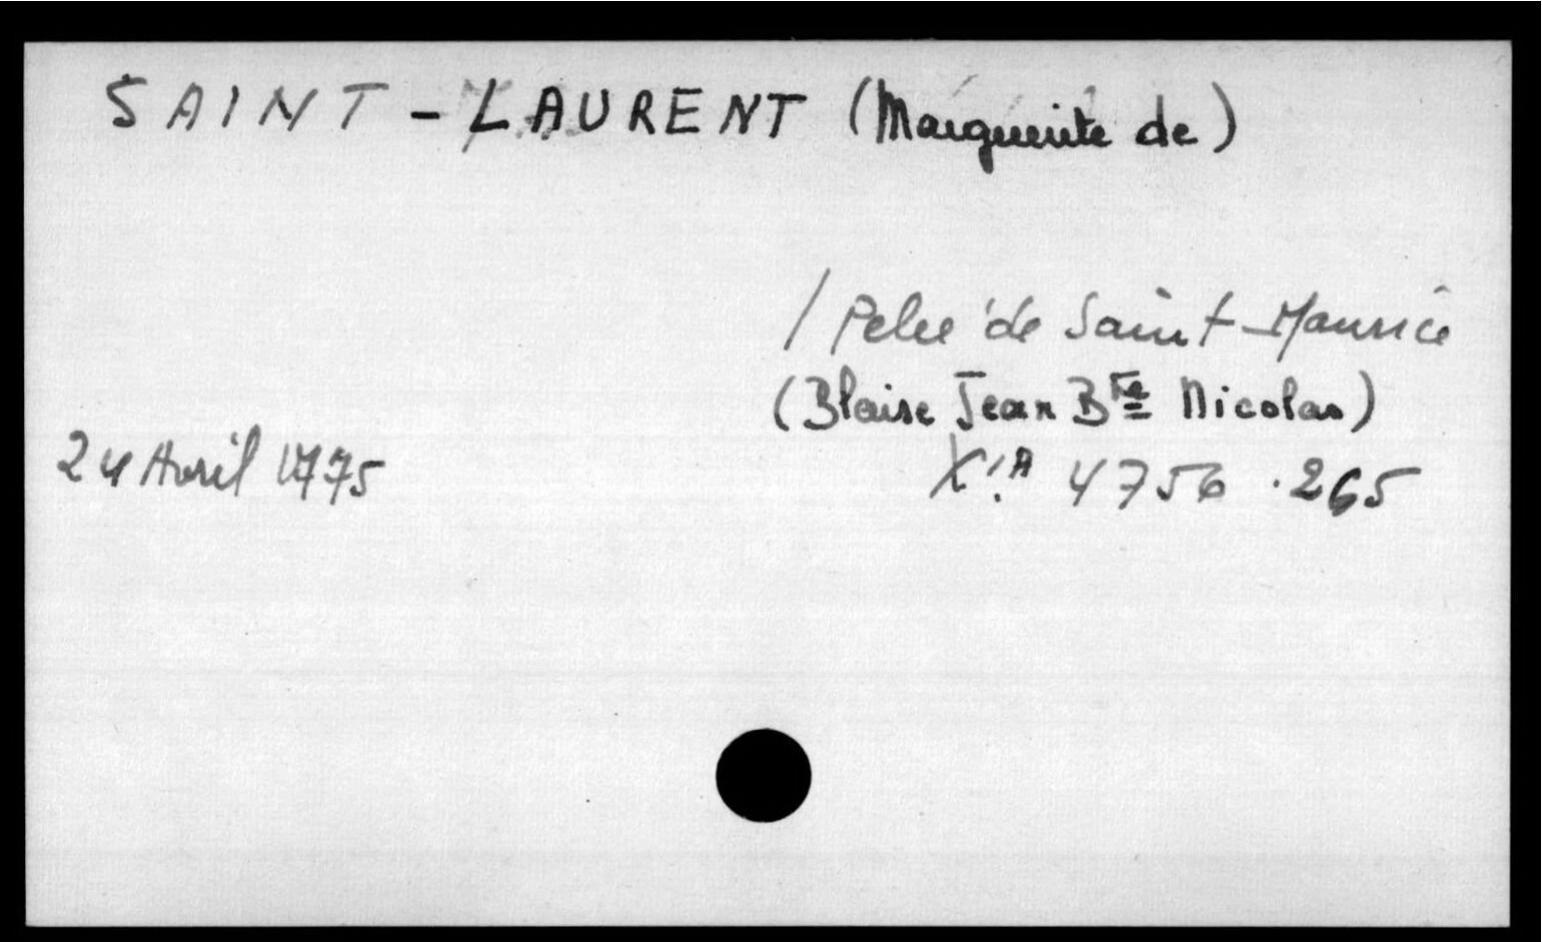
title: SAINT-LAURENT (Marguerite de)
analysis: Contre Pelée de Saint-Maurice (Blaise Jean Baptiste Nicolas)
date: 24 avril 1775
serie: X1A
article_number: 4756
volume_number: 265
